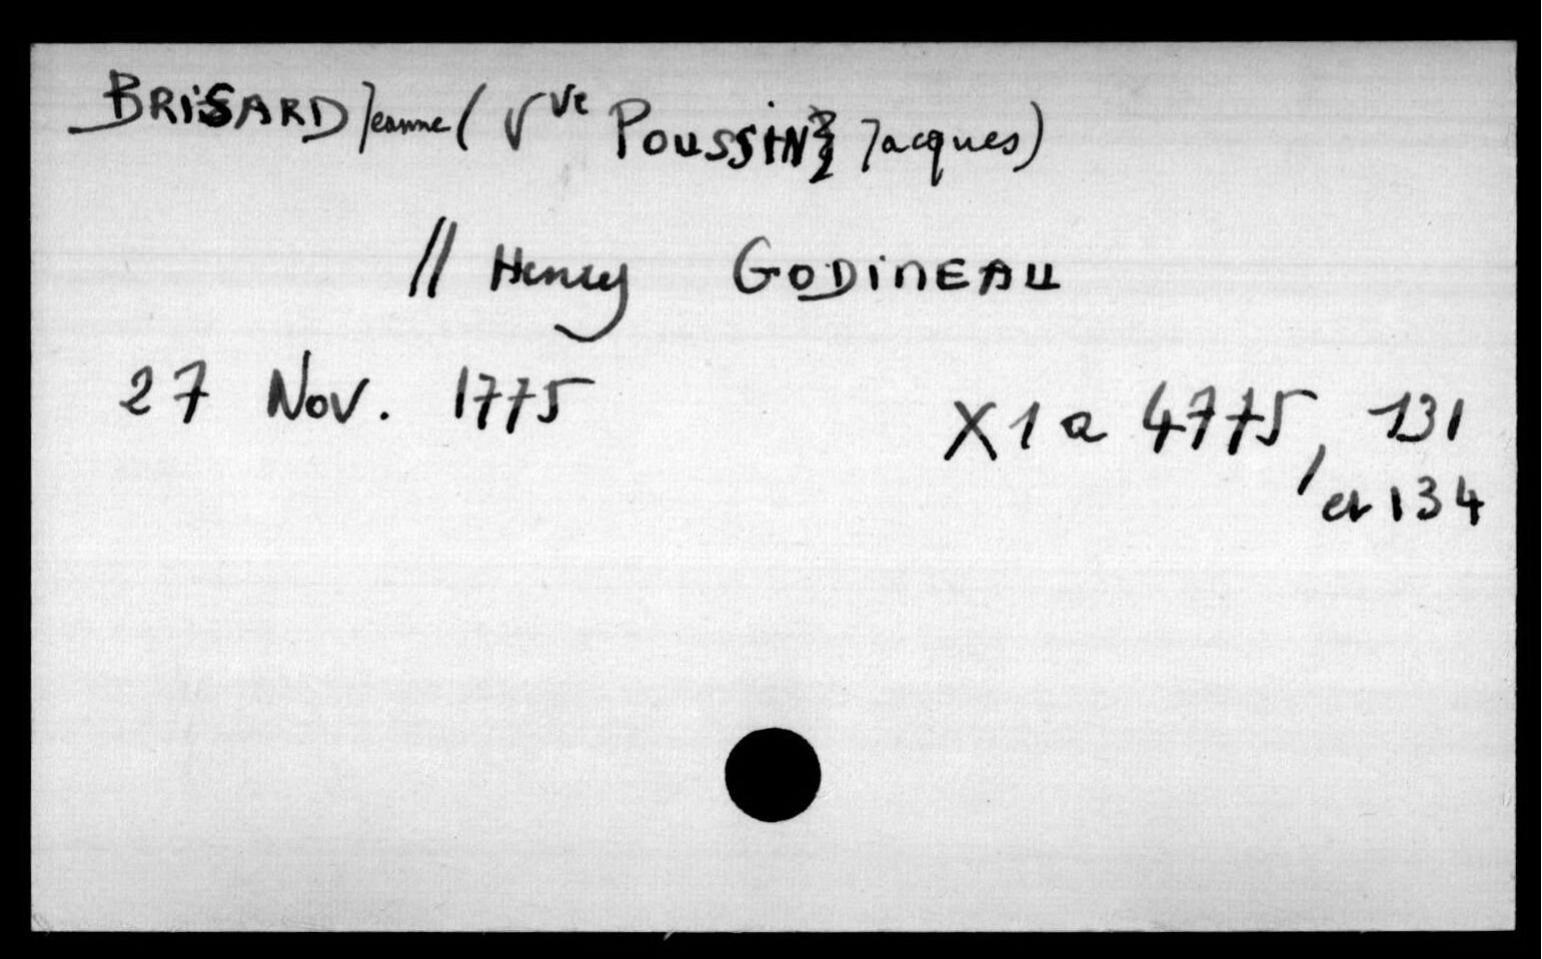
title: BRISARD Jeanne (Veuve POUSSIN Jacques)
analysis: Contre Henry GODINEAU
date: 27 novembre 1775
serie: X1a
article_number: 4775
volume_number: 131 et 134
